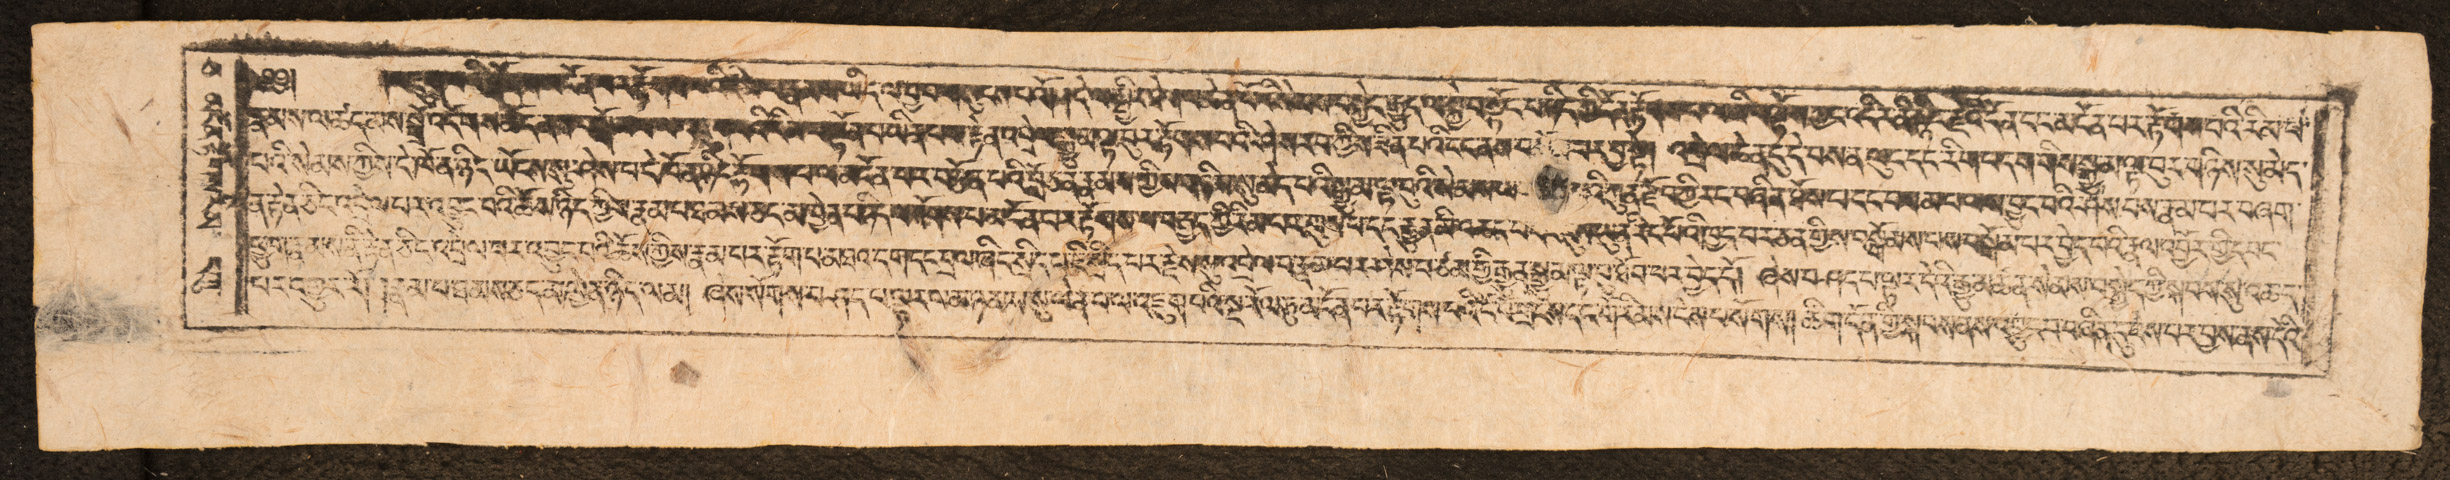༄༅། །འཇུག་པའི་སྒོ་ནས་མངོན་པར་རྟོགས་པའི་རིམ་པ་རྣམས་ཡིད་ལ་བྱ་བ་གསུངས་པའོ། །དེ་ལ་སྤྱིར་ཐེག་པ་ཆེན་པོའི་སེམས་བསྐྱེད་རྒྱུད་ལ་སྐྱེ་བ་སྟོང་པ་ཉིད་ཀྱི་དོན་རྟོགས་པ་ལ་མི་བལྟོས་ཀྱང་འདིར་ནི་སྙིང་རྗེའི་དོན་དང་མངོན་པར་རྟོགས་པའི་རིམ་པ་
རྣམས་ལ་ཚད་མས་སྒྲོ་འདོགས་ཆོད་ནས་བསྒོམ་པ་ལ་འཇུག་པའི་རིམ་པ་སྟོན་པ་ཡིན་པས་རྟེན་འབྲེལ་སྒྱུ་མ་ལྟ་བུར་རྟོགས་པའི་ཤེས་རབ་ཀྱིས་ཟིན་པའི་ངང་ནས་བསྒོམ་པར་བྱ་སྟེ། འགྲེལ་ཆེན་དུ་དེ་བས་ན་ལུང་དང་རིག་པ་དག་གིས་སྒྱུ་མ་ལྟ་བུར་གཉིས་སུ་མེད་
པའི་སེམས་ཀྱིས་དེ་ཁོ་ན་ཉིད་ཡོངས་སུ་ཤེས་པ་དེ་ཁོ་ན་ཉིད་རྟོགས་པ་ལ་མངོན་པར་བརྩོན་པའི་བློ་ཅན་རྣམས་ཀྱིས་གཉིས་སུ་མེད་པའི་སྒྱུ་མ་ལྟ་བུའི་སེམས་ཡང་དག་པའི་ཀུན་རྫོབ་ཀྱི་རང་བཞིན་ཐོས་པ་དང་བསམ་པ་ལས་བྱུང་བའི་ཤེས་པས་རྣམ་པར་བཞག་
ན་རྟེན་ཅིང་འབྲེལ་པར་འབྱུང་བའི་ཆོས་ཉིད་ཀྱིས་རྣམ་པ་ཐམས་ཅད་མཁྱེན་པ་ཉིད་ལ་སོགས་པ་མངོན་པར་རྟོགས་པ་བརྒྱད་ཀྱི་རིམ་པར་གུས་པ་དང་རྒྱུན་མི་འཆད་པ་དང་དུས་ཡུན་རིང་པོའི་ཁྱད་པར་ཅན་གྱིས་བསྒོམས་པས་བསྒོམ་པར་བྱེད་པའི་རྣལ་འབྱོར་གྱི་དབང་
ཕྱུག་རྣམས་ནི་རྟེན་ཅིང་འབྲེལ་པར་འབྱུང་བའི་ཆོས་ཀྱིས་རྣམ་པར་རྟོག་པ་མཐའ་དག་དང་བྲལ་ཞིང་སྲིད་པ་ཇི་སྲིད་པར་རྗེས་སུ་འབྲེལ་བ་རྣམ་པར་ཤེས་པ་ཙམ་གྱི་རྒྱུན་སྒྱུ་མ་ལྟ་བུ་ཐོབ་པར་བྱེད་དོ། ཞེས་བཤད་པ་ལྟར་དེའི་རྒྱུ་མཚན་སེམས་བསྐྱེད་ཀྱི་སྐབས་སུ་འཆད་
པར་འགྱུར་རོ། །རྣམ་པ་ཐམས་ཅད་མཁྱེན་ཉིད་ལམ། ཞེས་སོགས་བཤད་པ་ལྟར་ལམ་ཉམས་སུ་ལེན་པ་ལ་འཇུག་པའི་སྔ་རོལ་ཏུ་མངོན་པར་རྟོགས་པའི་ངོ་བོ་གྲངས་དང་གོ་རིམས་ངེས་པ་སོགས། ཚིག་དོན་གྱི་སྐབས་ནས་འབྱུང་བ་བཞིན་དུ་ངེས་པར་བྱས་ནས་དེའི་